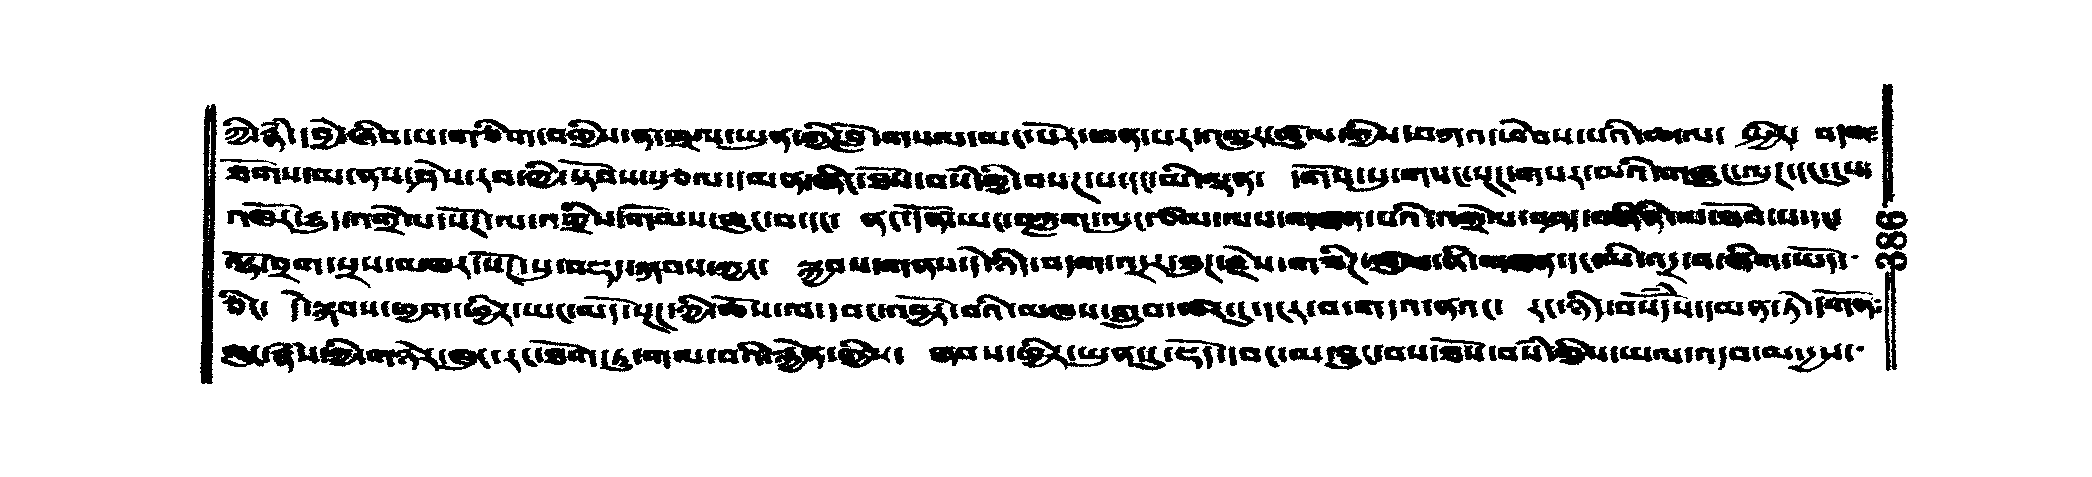ཀྱི་རྣམ་དབྱེ་ཞིབ་པ་གཅིག་བགྱིས་ན་ཕྲལ་ཡུན་གྱི་བློ་གསལ་མང་པོར་ཕན་པར་འགྱུར་ཚུལ་གྱིས་བཀའ་ཕེབས་པའི་ཆ་ལ། སྤྱིར་བདག་
ཐོག་མ་ནས་ཤེས་རབ་ཀྱི་སྟོབས་རྩལ་དམན་ཞིང་ཐོས་བསམ་གྱི་བསགས་པ་དང་མི་ལྡན། དགོས་སུ་གསང་སྔགས་གསར་མའི་གཞུང་ལུགས་དང་དུས་
འཁོར་རྒྱུད་འགྲེལ་སོགས་ལ་འདྲིས་གོམས་ཆུང་བ་དང་།ནང་དོན་ཡང་བཀླག་ལུང་ཙམ་ལས་གཞན་པའི་འགྲེལ་བཤད་ཞིབ་པ་ནི་མ་ཐོབ་པ་དང་། 
ལྷོ་བྲག་སྲས་མཁར་སོགས་སུ་བསྡད་སྐབས་ཀྱང་། སྐྱབས་གནས་དེ་ཉིད་བདག་འདྲར་ཐུགས་རྗེས་གཟིགས་ཚུལ་ནི་གཞན་དང་མི་འདྲ་བ་ཞིག་ཡོད་
ཅིང་། དེ་སྐབས་ཕྱག་ཕྱིར་ཡང་མདོ་སྔགས་ཀྱི་ཆོས་ལ་དབང་འབྱོར་བའི་མཁས་གྲུབ་ཚར་དུ་དངར་བ་གདའ་ནའང་། རང་ཉིད་བསོད་ནམས་དམན་ཏེ་དགོན་
ཆུང་རྣམས་ཀྱི་གཉེར་ཁུང་རང་ཐོག་ཏུ་བབས་བའི་རྐྱེན་གྱིས། ཞབས་ཕྱིར་ཡུན་དུ་སྡོད་དབང་མ་བྱུང་བས་ཐོས་བསམ་གྱིས་ཡལ་འདབ་མ་རྒྱས་